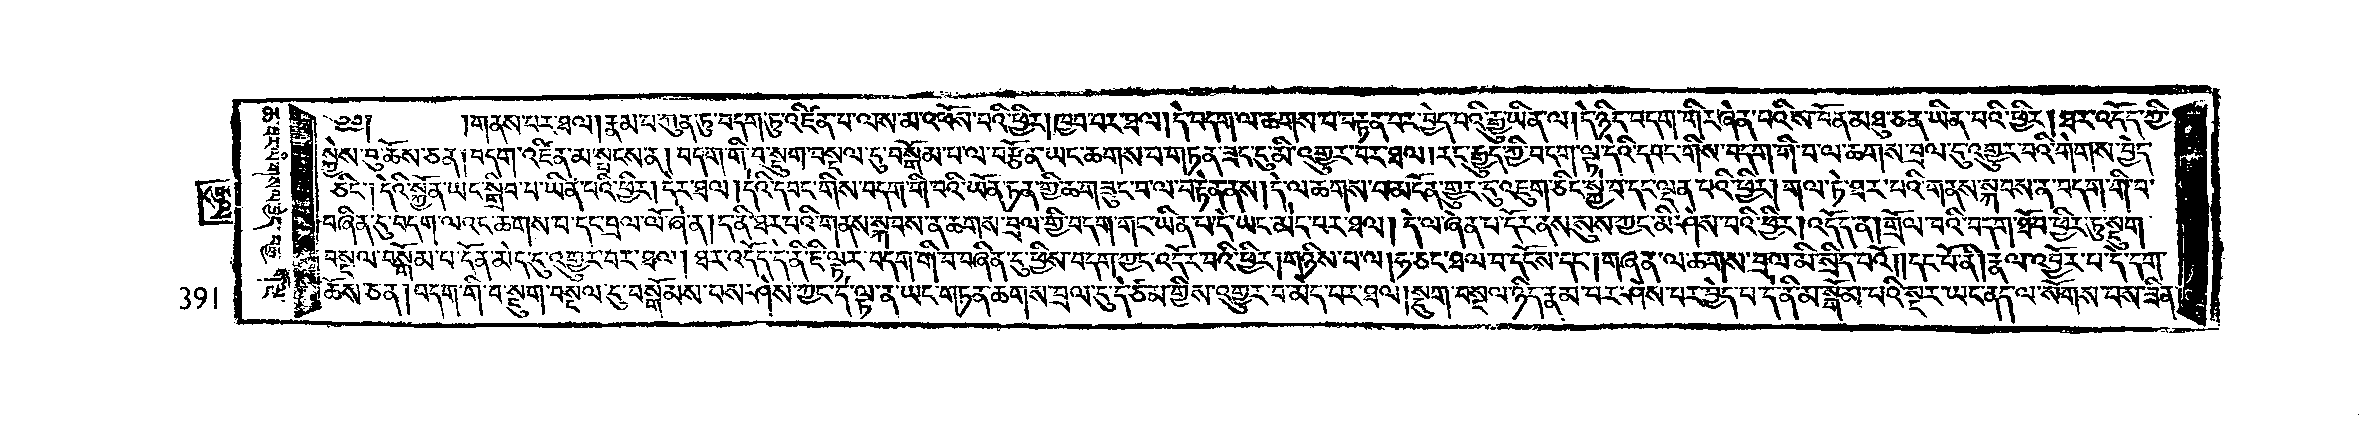༄༅། །གནས་པར་ཐལ། རྣམ་པ་ཀུན་ཏུ་བདག་ཏུ་འཛིན་པ་ལས་མ་འཕོས་པའི་ཕྱིར། ཁྱབ་པར་ཐལ། དེ་བདག་ལ་ཆགས་པ་བརྟན་པར་བྱེད་པའི་རྒྱུ་ཡིན་ལ། དེ་ཉིད་བདག་གིར་ཞེན་པའི་ས་བོན་མཐུ་ཅན་ཡིན་པའི་ཕྱིར། ཐར་འདོད་ཀྱི་
སྐྱེས་བུ་ཆོས་ཅན། བདག་འཛིན་མ་སྤངས་ན། བདག་གི་བ་སྡུག་བསྔལ་དུ་བསྒོམ་པ་ལ་བརྩོན་ཡང་ཆགས་པ་གཏན་ཟད་དུ་མི་འགྱུར་བར་ཐལ། རང་རྒྱུད་ཀྱི་བདག་ལྟ་དེའི་དབང་གིས་བདག་གི་བ་ལ་ཆགས་བྲལ་དུ་འགྱུར་བའི་གེགས་བྱེད་
ཅིང་། དེའི་སྐྱོན་ཡང་སྒྲིབ་པ་ཡིན་པའི་ཕྱིར། དེར་ཐལ། དེའི་དབང་གིས་བདག་གི་བའི་ཡོན་ཏན་གྱི་ཆ་གཟུང་བ་ལ་བརྟེན་ནས། དེ་ལ་ཆགས་པ་མངོན་གྱུར་དུ་འཇུག་ཅིང་སྐྱེ་བ་དང་ལྡན་པའི་ཕྱིར། འདོད་ན། གྲོལ་བའི་བདག་ཐོབ་ཕྱིར་ཏུ་སྡུག་
བཞིན་དུ་བདག་ལའང་ཆགས་བ་དང་བྲལ་ལོ་ཞེ་ན། ད་ནི་ཐར་པའི་གནས་སྐབས་ན་ཆགས་བྲལ་གྱི་བདག་གང་ཡིན་པ་དེ་ཡང་མེད་པར་ཐལ། དེ་ལ་ཞེན་པ་དོར་ནས་སུས་ཀྱང་མི་ཤེས་པའི་ཕྱིར། འདོད་ན་གྲོལ་བའི་བདག་ཐོབ་ཕྱིར་ཏུ་སྡུག་
བསྔལ་བསྒོམ་པ་དོན་མེད་དུ་འགྱུར་བར་ཐལ། ཐར་འདོད་དེ་ནི་ཇི་ལྟར་བདག་གི་བ་བཞིན་དུ་ཕྱིས་བདག་ཀྱང་འདོར་བའི་ཕྱིར། གཉིས་པ་ལ། ཧ་ཅང་ཐལ་བ་དངོས་དང་། གཞན་ལ་ཆགས་བྲལ་མི་སྲིད་པའོ། །དང་པོ་ནི། རྣལ་འབྱོར་པ་དེ་དག་
ཆོས་ཅན། བདག་གི་བ་སྡུག་བསྔལ་དུ་བསྒོམས་པས་ཤེས་ཀྱང་དེ་ལྟ་ན་ཡང་གཏན་ཆགས་བྲལ་དུ་དེ་ཙམ་གྱིས་འགྱུར་བ་མེད་པར་ཐལ། སྡུག་བསྔལ་ཉིད་རྣམ་པར་ཤེས་པ་བྱེད་པ་དེ་ནི་མ་སྒོམ་པའི་སྔར་ཡང་ནད་ལ་སོགས་པས་ཟིན་